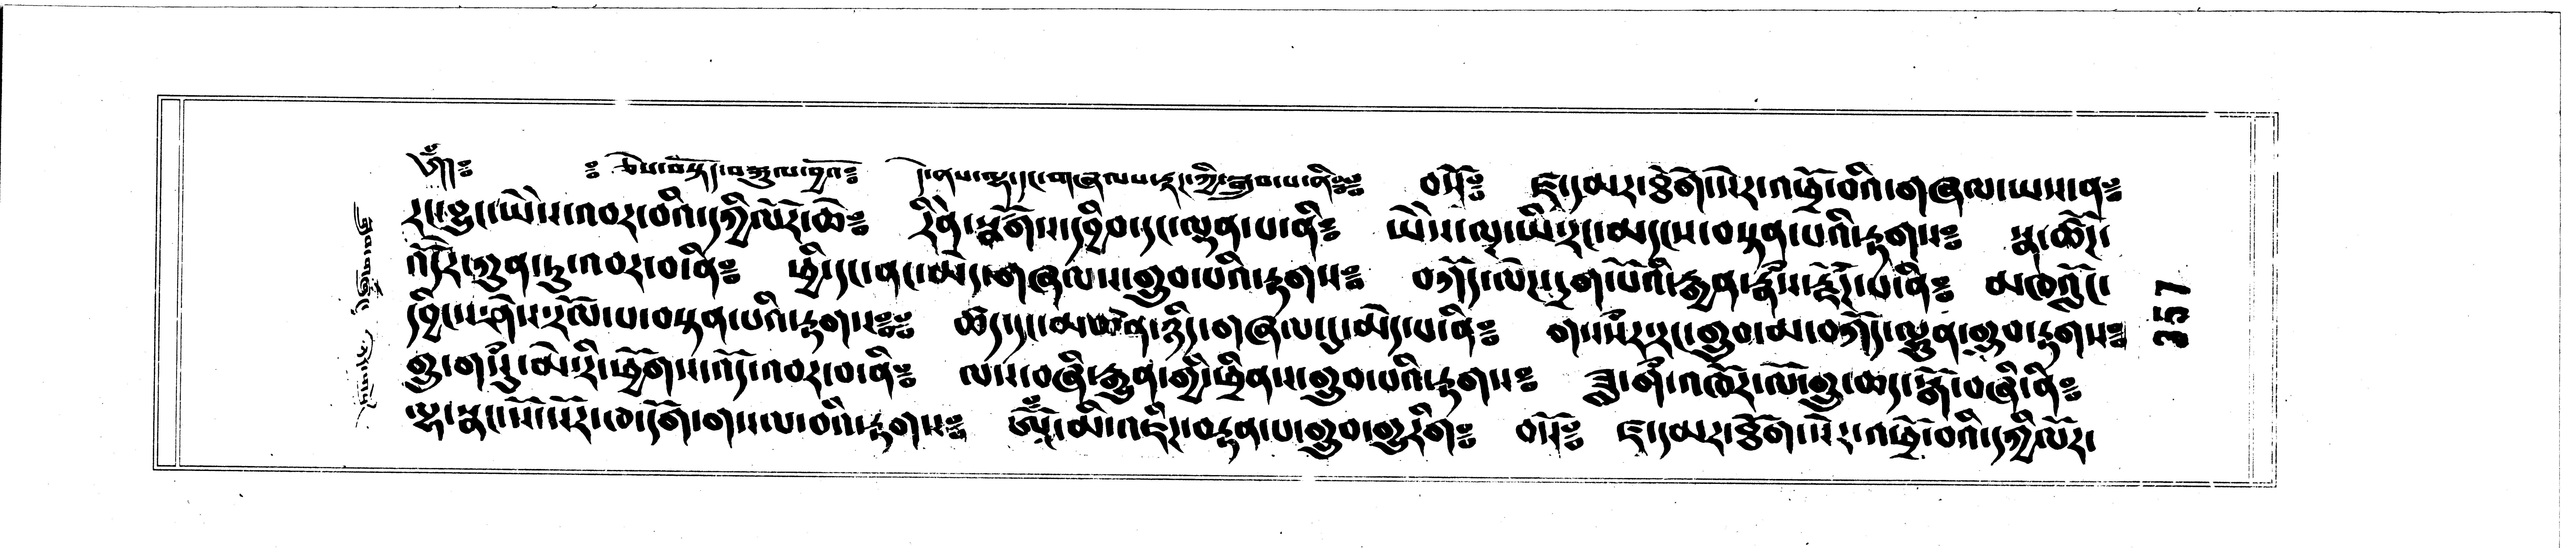ཅེས་བསྟོད་བསྐུལ་བྱའོ༔ དེ་ནས་ལྷ་དང་གཞལ་ཡས་རྟགས་ཀྱི་སྒྲུབ་པ་ནི༔༔ བསྭོ༔ ཛྭ་དམར་ཐོག་སེར་འཕྲོ་བའི་གཞལ་ཡས་ན༔ 
རང་བྱུང་ཡེ་ཤེས་འབར་བའི་དཀྱིལ་འཁོར་ཆེ༔ རིན་ཆེན་སྣ་ཚོགས་དབྱིབས་དང་ལྡན་པ་ནི༔ ཡེ་ཤེས་ལྔ་ཡི་རང་མདངས་བསྟན་པའི་རྟགས༔ སྣ་ཚོགས་
འོད་ཟེར་ཀུན་ཏུ་འབར་བ་ནི༔ ཕྱི་དང་ནང་མེད་གཞལ་ཡས་གྲུབ་པའི་རྟགས༔ བཀོད་ལེགས་དྲག་པོའི་རྒྱན་རྣམས་རྫོགས་པ་ནི༔ མཁའ་ཀློང་
དབྱིངས་ཤེས་རོལ་པ་བསྟན་པའི་རྟགས༔༔ ཚད་དང་མཚན་ཉིད་གཞལ་དུ་མེད་པ་ནི༔ གསར་མཁར་རང་གྲུབ་མ་བཀོད་ལྷུན་གྲུབ་རྟགས༔ 
གྲུ་གསུམ་མེ་རི་ཕྱོགས་འོད་འབར་བ་ནི༔ ལས་བཞི་རྒྱུན་གྱི་ཕྲིན་ལས་གྲུབ་པའི་རྟགས༔ ཟླ་གམ་འཁོར་ལོ་གྲུ་ཆད་སྒོ་བཞི་ནི༔
 ལྷ་སྣང་སོ་སོར་ཁ་དོག་གསལ་བའི་རྟགས༔ ཨོྃ་མི་འཇིགས་བརྟན་པར་གྲུབ་གྱུར་ཅིག༔ བསྭོ༔ ཛྭ་དམར་ཐོག་སེར་འཕྲོ་བའི་དཀྱིལ་འཁོར་